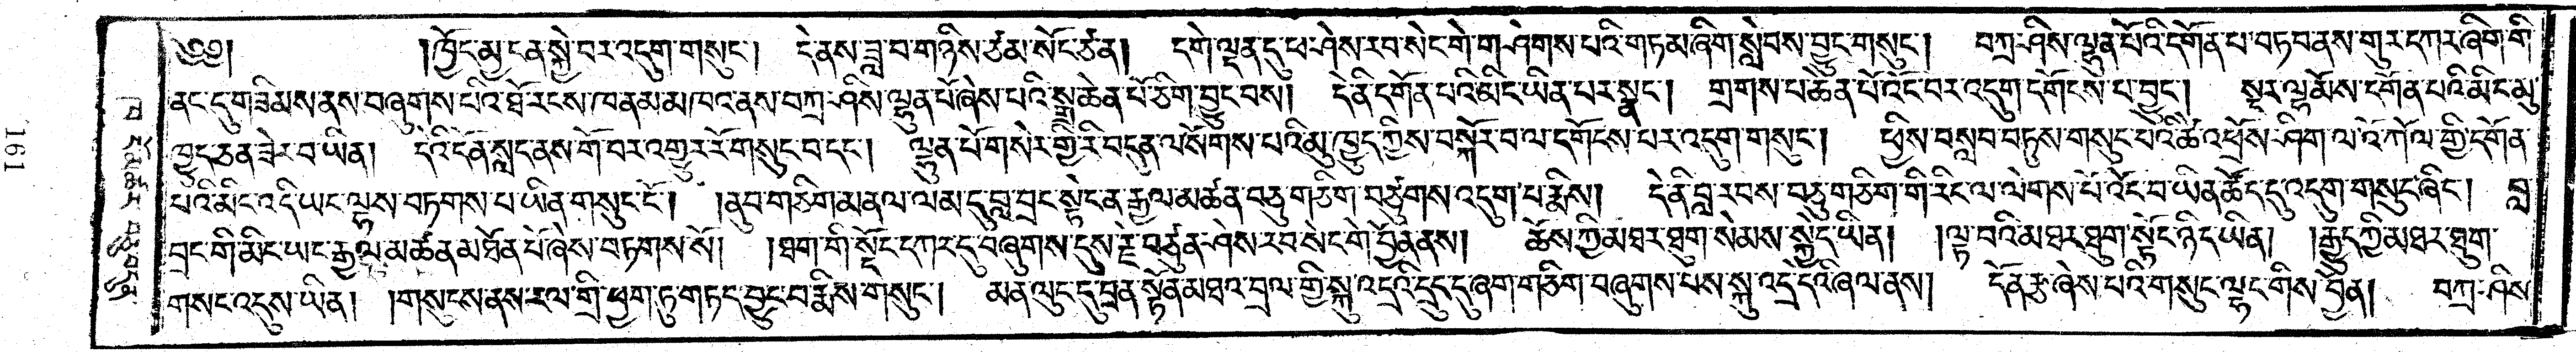༄༅། །ཁྱོད་མྱ་ངན་སྐྱེ་བར་འདུག་གསུང་། དེ་ནས་ཟླ་བ་གཉིས་ཙམ་སོང་ཙ་ན། དགེ་ལྡན་དུ་ཕ་ཤེས་རབ་སེང་གེ་གཤེགས་པའི་གཏམ་ཞིག་སླེབས་བྱུང་གསུང་། བཀྲ་ཤིས་ལྷུན་པོའི་དགོན་པ་བཏབ་ནས་གུར་དཀར་ཞིག་གི་
ནང་དུ་གཟིམས་ནས་བཞུགས་པའི་ཐོ་རངས་ཁ་ནམ་མཁའ་ནས་བཀྲ་ཤིས་ལྷུན་པོ་ཞེས་པའི་སྒྲ་ཆེན་པོ་ཅིག་བྱུང་བས། དེ་ནི་དགོན་པའི་མིང་ཡིན་པར་སྣང་། གྲགས་པ་ཆེན་པོ་འོང་བར་འདུག་དགོངས་པ་བྱུང་། སྔར་ལྷ་མོས་དགོན་པའི་མིང་མུ་
ཁྱུད་ཅན་ཟེར་བ་ཡིན། དེའི་དོན་སླད་ནས་གོ་བར་འགྱུར་རོ་གསུང་བ་དང་། ལྷུན་པོ་གསེར་གྱི་རི་བདུན་ལ་སོགས་པའི་མུ་ཁྱུད་ཀྱིས་བསྐོར་བ་ལ་དགོངས་པར་འདུག་གསུང་། ཕྱིས་བསླབ་བཏུས་གསུང་པའི་ཚེ་འཕྲོས་ཤིག་ལ་འོ་ཀོལ་གྱི་དགོན་
པའི་མིང་འདི་ཡང་ལྷས་བཏགས་པ་ཡིན་གསུང་ངོ། །ནུབ་གཅིག་མནལ་ལམ་དུ་བླ་བྲང་སྟེང་ན་རྒྱལ་མཚན་བཅུ་གཅིག་བཙུགས་འདུག་པ་རྨིས། དེ་ནི་བླ་རབས་བཅུ་གཅིག་གི་རིང་ལ་ལེགས་པོ་འོང་བ་ཡིན་ཚོད་དུ་འདུག་གསུང་ཞིང་། བླ་
བྲང་གི་མིང་ཡང་རྒྱལ་མཚན་མཐོན་པོ་ཞེས་བཏགས་སོ། །ཐག་གི་སྡོང་དཀར་དུ་བཞུགས་དུས་རྗེ་བཙུན་ཤེས་རབ་སེང་གེ་བྱོན་ནས། ཆོས་ཀྱི་མཐར་ཐུག་སེམས་སྐྱེད་ཡིན། །ལྟ་བའི་མཐར་ཐུག་སྟོང་ཉིད་ཡིན། །རྒྱུད་ཀྱི་མཐར་ཐུག་
གསང་འདུས་ཡིན། །གསུངས་ནས་རལ་གྲི་ཕྱག་ཏུ་གཏད་བྱུང་བ་རྨིས་གསུང་། མན་ལུང་དུ་བྲན་སྟོན་མཐའ་བྲལ་གྱི་སྐུ་འདྲའི་དྲུང་དུ་ཞག་གཅིག་བཞུགས་པས་སྐུ་འདྲ་དེའི་ཞལ་ནས། དོན་རྩ་ཞེས་པའི་གསུང་ལྷང་གིས་བྱོན། བཀྲ་ཤིས་